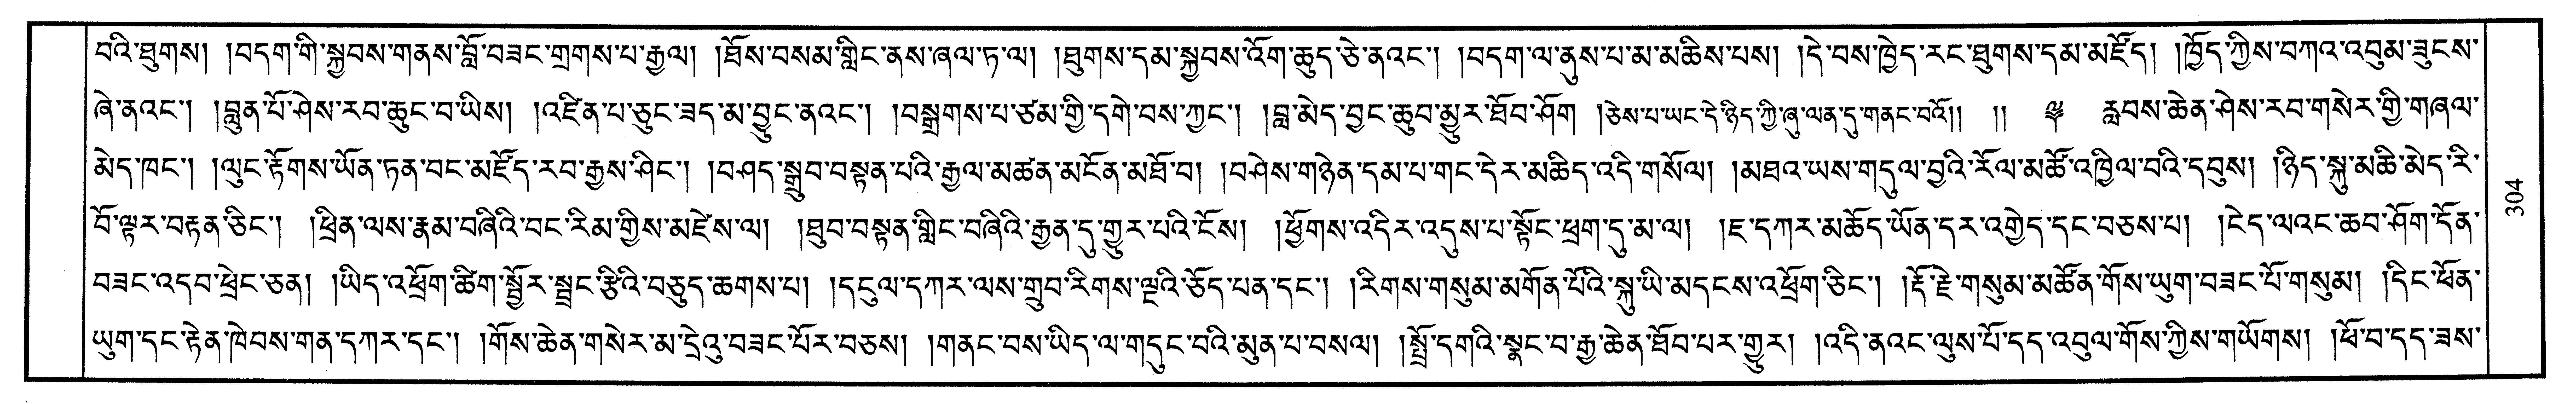བའི་ཐུགས། །བདག་གི་སྐྱབས་གནས་བློ་བཟང་གྲགས་པ་རྒྱལ། །ཐོས་བསམ་གླིང་ནས་ཞལ་ཏ་ལ། །ཐུགས་དམ་སྐྱབས་འོག་ཆུད་ཅེ་ནའང་། །བདག་ལ་ནུས་པ་མ་མཆིས་པས། །དེ་བས་ཁྱེད་རང་ཐུགས་དམ་མཛོད། །ཁྱོད་ཀྱིས་བཀའ་འབུམ་ཟུངས་
ཞེ་ནའང་། །བླུན་པོ་ཤེས་རབ་ཆུང་བ་ཡིས། །འཛིན་པ་ཅུང་ཟད་མ་བྱུང་ནའང་། །བསྒྲགས་པ་ཙམ་གྱི་དགེ་བས་ཀྱང་། །བླ་མེད་བྱང་ཆུབ་མྱུར་ཐོབ་ཤོག །ཅེས་པ་ཡང་དེ་ཉིད་ཀྱི་ཞུ་ལན་དུ་གནང་བའོ།། །། ༈ །རླབས་ཆེན་ཤེས་རབ་གསེར་གྱི་གཞལ་
མེད་ཁང་། །ལུང་རྟོགས་ཡོན་ཏན་བང་མཛོད་རབ་རྒྱས་ཤིང་། །བཤད་སྒྲུབ་བསྟན་པའི་རྒྱལ་མཚན་མངོན་མཐོ་བ། །བཤེས་གཉེན་དམ་པ་གང་དེར་མཆིད་འདི་གསོལ། །མཐའ་ཡས་གདུལ་བྱའི་རོལ་མཚོ་འཁྱིལ་བའི་དབུས། །ཉིད་སྐུ་མཆི་མེད་རི་
བོ་ལྟར་བརྟན་ཅིང་། །ཕྲིན་ལས་རྣམ་བཞིའི་བང་རིམ་གྱིས་མཛེས་ལ། །ཐུབ་བསྟན་གླིང་བཞིའི་རྒྱན་དུ་གྱུར་པའི་ངོས། །ཕྱོགས་འདིར་འདུས་པ་སྟོང་ཕྲག་དུ་མ་ལ། །ཇ་དཀར་མཆོད་ཡོན་དར་འགྱེད་དང་བཅས་པ། །ངེད་ལའང་ཆབ་ཤོག་དོན་
བཟང་འདབ་ཕྲེང་ཅན། །ཡིད་འཕྲོག་ཚིག་སྦྱོར་སྦྲང་རྩིའི་བཅུད་ཆགས་པ། །དངུལ་དཀར་ལས་གྲུབ་རིགས་ལྔའི་ཅོད་པན་དང་། །རིགས་གསུམ་མགོན་པོའི་སྐུ་ཡི་མདངས་འཕྲོག་ཅིང་། །རྡོ་རྗེ་གསུམ་མཚོན་གོས་ཡུག་བཟང་པོ་གསུམ། །དིང་ཕོན་
ཡུག་དང་རྟེན་ཁེབས་གན་དཀར་དང་། །གོས་ཆེན་གསེར་མ་དྲེའུ་བཟང་པོར་བཅས། །གནང་བས་ཡིད་ལ་གདུང་བའི་མུན་པ་བསལ། །སྤྲོ་དགའི་སྣང་བ་རྒྱ་ཆེན་ཐོབ་པར་གྱུར། །འདི་ནའང་ལུས་པོ་དད་འབུལ་གོས་ཀྱིས་གཡོགས། །ཕོ་བ་དད་ཟས་